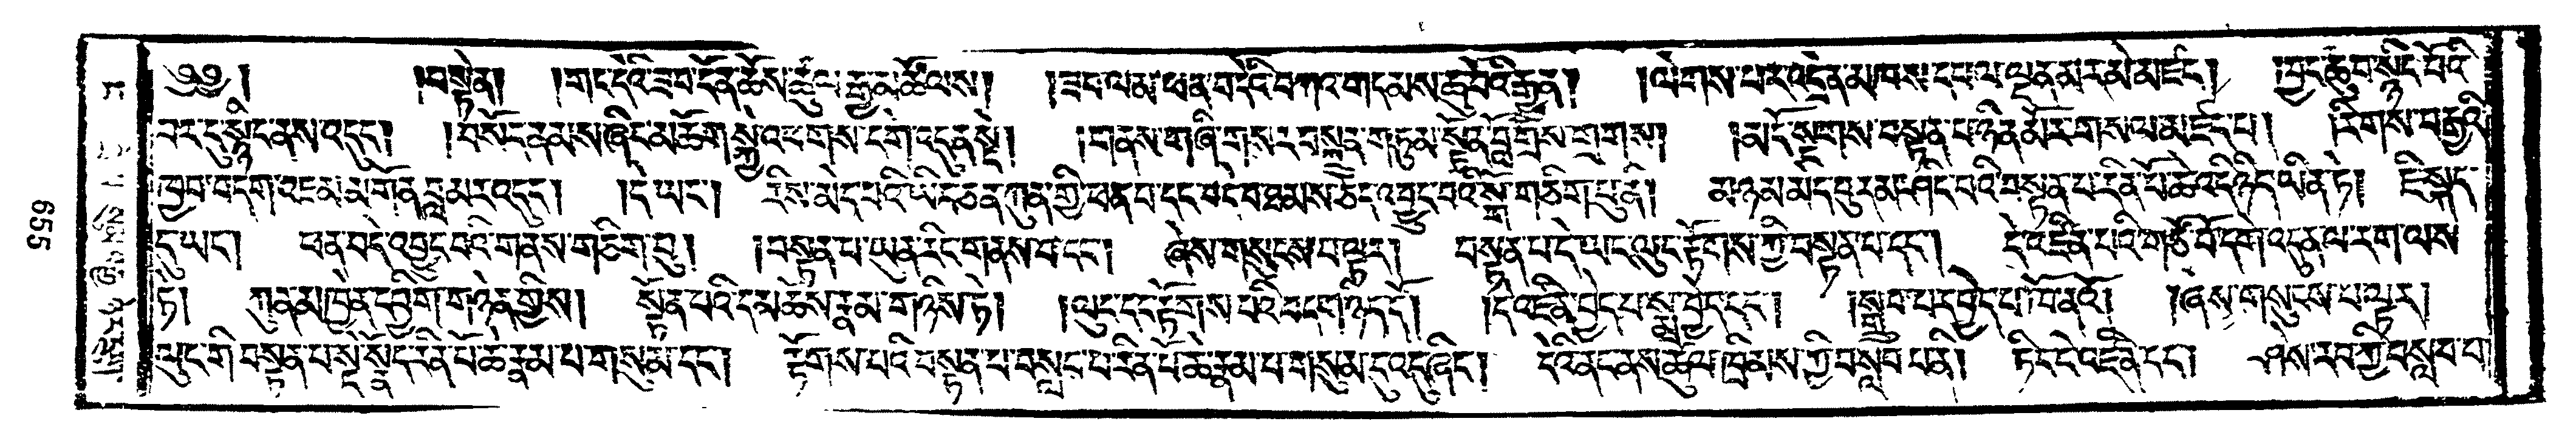༄༅། །བསྟེན། །གང་དེའི་ཟབ་དོན་ཆོས་ཚུལ་རྒྱ་མཚོ་ལས། །ཟབ་ལམ་ཕན་བདེའི་བཀའ་གདམས་ཆུ་བོའི་རྒྱུན། །ལེགས་པར་འདྲེན་མཁས་དཔལ་ལྡན་མར་མེ་མཛད། །བྱང་ཆུབ་སྙིང་པོའི་
བར་དུ་སྙིང་ནས་འདུད། །བསོད་ནམས་ཞིང་མཆོག་སྐྱེ་འཕགས་དགེ་འདུན་སྡེ། །གནས་གཞི་གསར་བསྐྲུན་གཏུམ་སྟོན་བློ་གྲོས་གྲགས། །མདོ་སྔགས་བསྟན་པ་ཉིན་མོར་གསལ་མཛད་པ། །རིགས་བརྒྱའི་
ཁྱབ་བདག་འཇམ་མགོན་བླ་མར་འདུད། །དེ་ཡང་། རིས་མེད་པའི་ཡིད་ཅན་ཀུན་གྱི་ཕན་པ་དང་བདེ་བ་ཐམས་ཅད་འབྱུང་བའི་སྒོ་གཅིག་པུ་ནི། མཉམ་མེད་བུ་རམ་ཤིང་བའི་བསྟན་པ་རིན་པོ་ཆེ་འདི་ཉིད་ཡིན་ཏེ། ཇི་སྐད་
དུ་ཡང་། ཕན་བདེ་འབྱུང་བའི་གནས་གཅིག་པུ། །བསྟན་པ་ཡུན་རིང་གནས་པ་དང་། ཞེས་གསུངས་པ་ལྟར། བསྟན་པ་དེ་ཡང་ལུང་རྟོགས་ཀྱི་བསྟན་པ་དང་། དེ་འཛིན་པའི་གཙོ་བོ་དགེ་འདུན་ལ་རག་ལས་
ཏེ། ཀུན་མཁྱེན་དབྱིག་གཉེན་གྱིས། སྟོན་པའི་དམ་ཆོས་རྣམ་གཉིས་ཏེ། །ལུང་དང་རྟོགས་པའི་བདག་ཉིད་དོ། །དེ་འཛིན་བྱེད་པ་སྨྲ་བྱེད་དང་། །སྒྲུབ་པར་བྱེད་པ་ཁོ་ནའོ། །ཞེས་གསུངས་པ་ལྟར།
ལུང་གི་བསྟན་པ་སྡེ་སྣོད་རིན་པོ་ཆེ་རྣམ་པ་གསུམ་དང་། རྟོགས་པའི་བསྟན་པ་བསླབ་པ་རིན་པོ་ཆེ་རྣམ་པ་གསུམ་དུ་འདུ་ཞིང་། དེའི་ནང་ནས་ཚུལ་ཁྲིམས་ཀྱི་བསླབ་པ་ནི། ཏིང་ངེ་འཛིན་དང་། ཤེས་རབ་ཀྱི་བསླབ་པ་